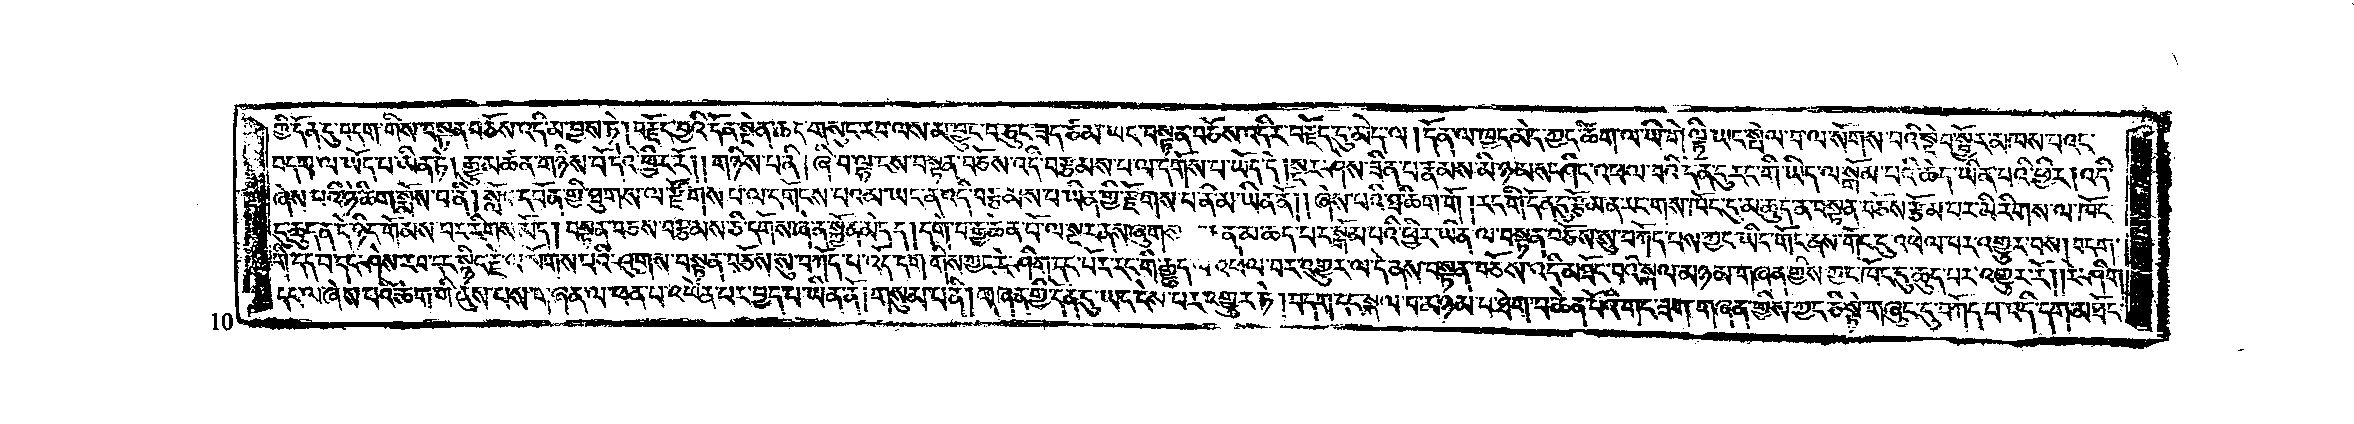ཀྱི་དོན་དུ་བདག་གིས་བསྟན་བཅོས་འདི་མ་བྱས་ཏེ། བརྗོད་བྱའི་དོན་སྔོན་ཆད་གསུང་རབ་ལས་མ་བྱུང་བ་ཅུང་ཟད་ཙམ་ཡང་བསྟན་བཅོས་འདིར་བརྗོད་དུ་མེད་ལ། དོན་ལ་ཁྱད་མེད་ཀྱང་ཚིག་ལ་ཡི་གེ་ལྟི་ཡང་སྤེལ་བ་ལ་སོགས་པའི་སྡེ་བ་སྦྱོར་མཁས་པའང་
བདག་ལ་ཡོད་པ་མིན་ཏེ། རྒྱུ་མཚན་གཉིས་པོ་དེའི་ཕྱིར་རོ། །གཉིས་པ་ནི། ཞི་བ་ལྟ་ལྷ་ངས་བསྟན་བཅོས་འདི་བརྩམས་པ་ལ་དགོས་པ་ཡོད་དེ། སྔར་ཤེས་ཟིན་པ་རྣམས་མི་ཉམས་ཤིང་འཕལ་བའི་དོན་དུ་རང་གི་ཡིད་ལ་སྒོམ་པའི་ཆེད་ཡིན་པའི་ཕྱིར། འདི་
ཞེས་པའི་ཉེ་ཚིག་སྨོས་པ་ནི། སློབ་དཔོན་གྱི་ཐུགས་ལ་རྫོགས་པ་ལ་དགོངས་པའམ་ཡང་ན་འདི་བརྩམས་པ་ཡིན་གྱི་རྫོགས་པ་ནི་མ་ཡིན་ནོ། །ཞེས་པའི་ཐ་ཚིག་གོ །རང་གི་དོན་དུ་རྩོམ་ན་རང་གིས་ཁོང་དུ་མ་ཆུད་ན་བསྟན་བཅོས་རྩོམ་པར་མི་རིགས་ལ་ཁོང་
དུ་ཆུད་ན་དེ་ཉིད་གོམས་པར་རིགས་མོད། བསྟན་བཅས་བརྩམས་ཅི་དགོས་ཞེ་ན་སྐྱོན་མེད་དེ། དགེ་བ་རྒྱ་ཆན་པོ་ལ་སྔར་ནས་ཞུགས་པ་རྒྱུན་མ་ཆད་པར་སྒོམ་པའི་ཕྱིར་ཡིན་ལ་བསྟན་བཅོས་སུ་བཀོད་པས་ཀྱང་ཡིད་གོང་ནས་གོང་དུ་འཕེལ་བར་འགྱུར་བས། བདག་
གི་དད་པ་དང་ཤེས་རབ་དང་སྙིང་རྗེ་ལ་སོགས་པའི་ཤུགས་བསྟན་བཅོས་སུ་བཀོད་པ་འོད་དག་གིས་ཀྱང་རེ་ཤིག་དང་པོར་རང་གི་རྒྱུད་ལ་འཕེལ་བར་འགྱུར་ལ་དེ་ནས་བསྟན་བཅོས་འདི་མཐོང་བའི་སྐལ་མཉམ་གཞན་གྱིས་ཀྱང་ཁོང་དུ་ཆུད་པར་འགྱུར་རོ། །རེ་ཤིག་
དང་ལ་ཞེས་པའི་ཚིག་གི་ནུས་པས་གཞན་ལ་ཕན་པ་འཕེན་པར་བྱད་པ་ཡིན་ནོ། །གསུམ་པ་ནི། གཞན་གྱི་དོན་དུ་ཡང་ངེས་པར་འགྱུར་ཏེ། བདག་དང་སྐལ་བ་མཉམ་པ་ཐེག་པ་ཆེན་པོའི་གང་ཟག་གཞན་གྱིས་ཀྱང་ཅི་སྟེ་གཞུང་དུ་བཀོན་པ་འདི་དག་མཐོང་